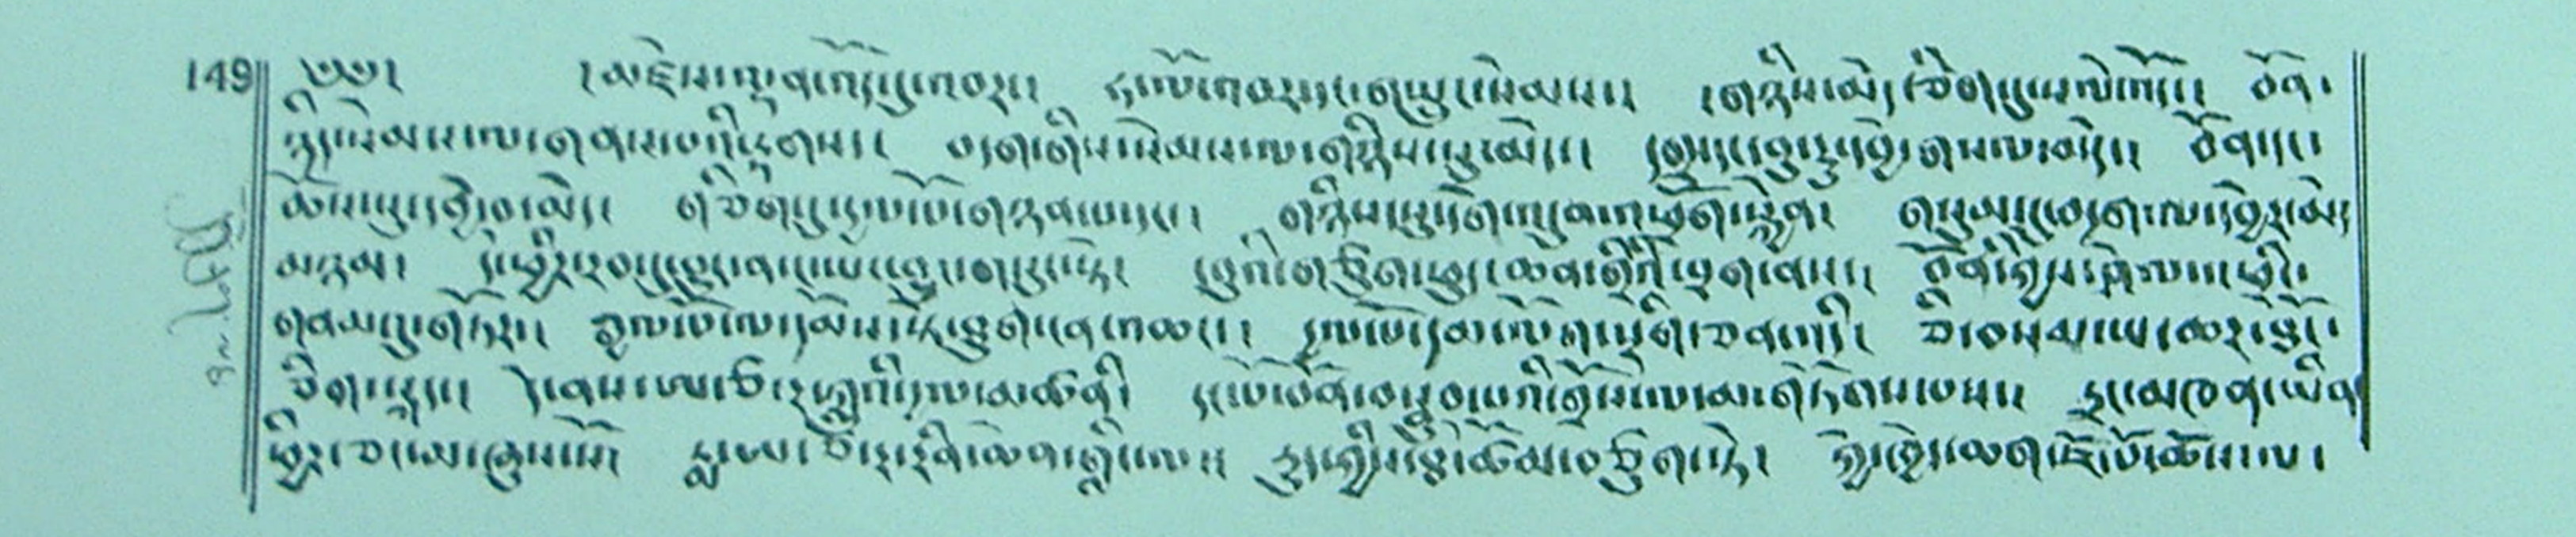༄༅། །མཛེས་ལྡན་འོད་དུ་འབར། ཧ་ལོ་འབར་དང་གཡུང་དྲུང་སེམས། གཉིས་མེད་གཅིག་ཏུ་ས་ལེ་འོད། བོན་
ཉིད་སེམས་ལ་གནས་པའི་རྟགས། བདག་གི་སེམས་ལ་གཉིས་སུ་མེད། དགྲ་དང་བུ་རུ་དབྱེ་བསལ་མེད། བོན་དང་
ཆོས་སུ་དབྱེ་བ་མེད། གཅིག་ཏུ་རྒྱལ་པོ་གཉན་པ་དང་། གཉིས་སུ་དགེ་འདུན་ཕྲག་དོག་སྐྱེན། གསུམ་དུ་བདག་ལ་དབྱེར་མེད་
མཉམ། དེ་ཕྱིར་རབ་ཏུ་བྱུང་ན་ང་ཡང་བྱུང་གསུངས་སྟེ། དབུའི་གཙུག་ཕུད་ཆན་གྲིས་བྲག་ནས། བོན་གྱི་ཤེལ་ཕྲེང་
གནམ་དུ་གཏོར། རྒྱལ་པོ་ལ་དམེས་ཏེ་ཐུགས་ངན་འཆང་། རྒྱལ་བོ་དམ་ལོག་སྡིག་ཅན་འདི། ཅི་བསམ་ཡ་ཆར་ཐོང་
ཅིག་སྐད། དེ་ནས་ཨ་ཙ་ར་ཀླུའི་རྒྱལ་མཚན་ནི། དང་པོ་བོན་བསྣུབས་པའི་གྲོས་ལ་མ་གཏོགས་པས། དྲང་མཁན་ཡིན་
ཕྱིར་ཅང་མ་ཞུས་སོ། །རྨ་ཨ་ཙ་ར་རིན་ཆེན་གླིང་ལ། རྒྱུད་ཀྱི་ཐེ་ཙོམ་བཙུག་སྟེ། ཀྱེ་ཁྱེད་ཅག་ཇོ་བོ་ཆོས་ལ་